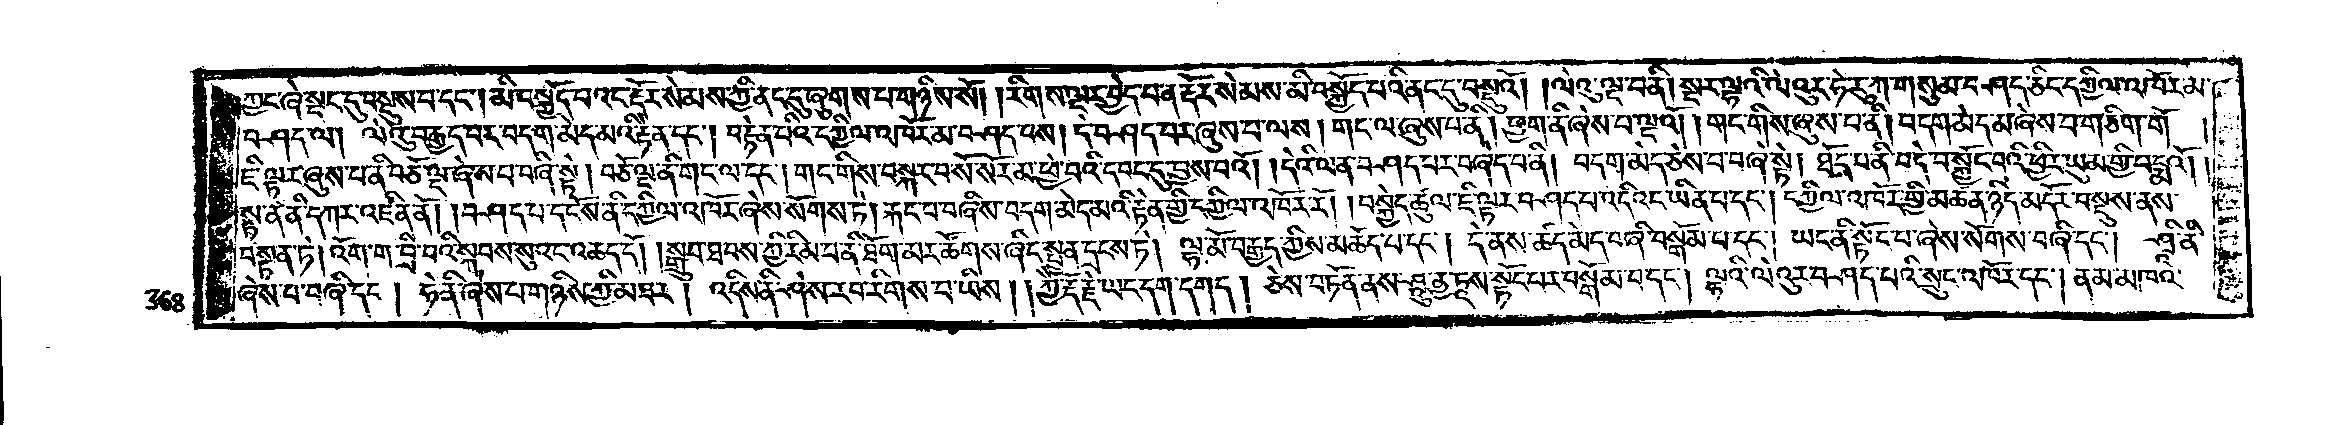ཀྱང་ཞེ་སྡང་དུ་བསྡུས་པ་དང་། མི་བསྐྱོད་པའང་རྡོར་སེམས་ཀྱི་ནང་དུ་ཞུགས་པ་གཉིས་སོ། །རིགས་ལྔར་བྱེད་པ་ན་རྡོར་སེམས་མི་བསྐྱོད་པའི་ནང་དུ་བསྡུའོ། །ལེའུ་ལྔ་པ་ནི། སྔར་ལྷའི་ལེའུར་ཧེ་རུ་ཀ་གསུམ་བཤད་ཅིང་དཀྱིལ་འཁོར་མ་
བཤད་ལ། ལེའུ་བརྒྱད་པར་བདག་མེད་མའི་རྟེན་དང་། བརྟེན་པའི་དཀྱིལ་འཁོར་མ་བཤད་པས། དེ་བཤད་པར་ཞུས་པ་ལས། གང་ལ་ཞུས་པ་ནི། ཕྱག་ནི་ཞེས་པ་ལྔའོ། །གང་གིས་ཞུས་པ་ནི། བདག་མེད་མ་ཞེས་པ་གཅིག་གོ །
ཇི་ལྟར་ཞུས་པ་ནི་བཅོ་ལྔ་ཞེས་པ་བཞི་སྟེ། བཅོ་ལྔ་ནི་གང་ལ་དང་། གང་གིས་བསྐར་བ་སོ་སོར་མ་ཕྱེ་བའི་དབང་དུ་བྱས་པའོ། །དེའི་ལན་བཤད་པར་བཞེད་པ་ནི། བདག་མེད་ཅེས་པ་བཞི་སྟེ། ཐོད་པ་ནི་བདེ་བ་སྐྱོང་བའི་ཕྱིར་ཡུམ་གྱི་པདམའོ། །
སྟ་ན་ནི་དཀར་འཛིན་ནོ། །བཤད་པ་དངོས་ནི་དཀྱིལ་འཁོར་ཞེས་སོགས་ཏེ། རྐང་པ་བཞིས་བདག་མེད་མའི་རྟེན་གྱི་དཀྱིལ་འཁོར་རོ། །བསྐྱེད་ཚུལ་ཇི་ལྟར་བཤད་པ་འདིའང་ཡིན་པ་དང་། དཀྱིལ་འཁོར་གྱི་མཚན་ཉིད་མདོར་བསྡུས་ནས་
བསྟན་ཏེ། འོག་ག་བྲི་བའི་སྐབས་སུའང་འཆད་དོ། །སྒྲུབ་ཐབས་ཀྱི་རིམ་པ་ནི་ཐོག་མར་ཚོགས་ཞིང་སྤྱན་དྲངས་ཏེ། ལྷ་མོ་བརྒྱད་ཀྱིས་མཆོད་པ་དང་། དེ་ནས་ཚད་མེད་བཞི་བསྒོམ་པ་དང་། ཡང་ནི་སྟོང་པ་ཞེས་སོགས་བཞི་དང་། ཤྲཱི་ནི་ཞེས་པ་བཞི་དང་། ཧེ་ནི་ཞེས་པ་གཉིས་ཀྱི་མཐར། འདིས་ནི་ཤེས་རབ་རིགས་པ་ཡིས། །ཀྱཻ་རྡོ་རྗེ་ཡང་དག་དགོད། ཅེས་བཏོན་ནས་ཤཱུ་ནྱ་ཏཱས་སྟོང་པར་བསྒོམ་པ་དང་། ལྷའི་ལེའུར་བཤད་པའི་སྲུང་འཁོར་དང་། ནམ་མཁའ་